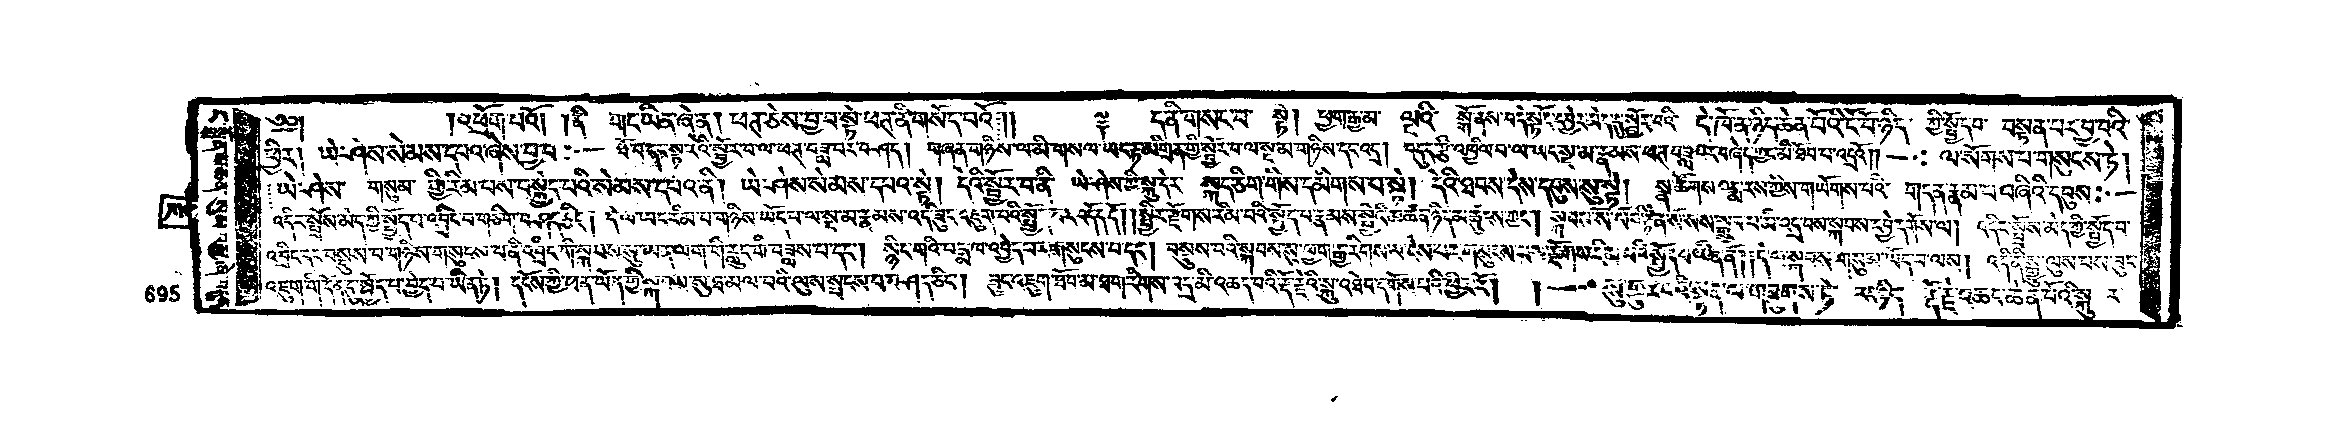༄༅། །འཕྲོག་པའོ། །དེ་གང་ཡིན་ཞེ་ན། ཕཊ་ཅེས་བྱ་བ་སྟེ་ཕཊ་ནི་གསོད་པའོ།། ༈ ད་ནི་གསང་བ་སྟེ། ཕྱག་རྒྱ་མ་ལྔའི་སྒོ་ནས་བདེ་སྟོང་དབྱེར་མེད་དུ་སྦྱོར་བའི་དེ་ཁོ་ན་ཉིད་ཆེན་པོའི་ངོ་བོ་ཉིད་ཀྱི་སྤྱོད་པ་བསྟན་པར་བྱ་བའི་
ཕྱིར། ཡེ་ཤེས་སེམས་དཔའ་ཞེས་བྱ་བ་H.་ཐོ་བ་དང་སྟ་རེའི་སྦྱོར་བ་ལ་ཕཊ་བཟླ་བར་བཤད། གཞན་གཉིས་ལ་མི་གསལ་ཡང་རྟ་མགྲིན་གྱི་སྦྱོར་བ་ལ་སྔ་མ་གཉིས་དང་འདྲ། བདུད་རྩི་འཁྱིལ་པ་ལ་ཡང་སྔ་མ་རྣམས་ཕཊ་བཟླ་བར་བཞེད་ཀྱང་མི་ཐོབ་པ་འདྲའོ།།  .H ལ་སོགས་པ་གསུངས་ཏེ།
ཡེ་ཤེས་གསུམ་གྱི་རིམ་པས་བསྐྱེད་པའི་སེམས་དཔའ་ནི། ཡེ་ཤེས་སེམས་དཔའ་སྟེ། དེའི་སྦྱོར་བ་ནི་ཡེ་ཤེས་ཀྱི་སྐུ་དེར་སྐད་ཅིག་གིས་དམིགས་པ་སྟེ། དེའི་ཐབས་ངེས་དབུས་སུ་སྟེ། སྣ་ཚོགས་པདམ་རས་ཀྱིས་གཡོགས་པའི་གདན་རྣམ་པ་བཞིའི་དབུསཿ
འདིར་སྤྲོས་མེད་ཀྱི་སྤྱོད་པ་འབྲིང་པ་གཅིག་བཤད་ཅིང་། དེ་ལ་ཡང་རིམ་པ་གཉིས་ཡོད་པ་ལ་སྔ་མ་རྣམས་འདི་ཟུང་འཇུག་པའི་སྤྱོད་པར་འདོད་དོ། །སྤྱིར་རྫོགས་རིམ་པའི་སྤྱོད་པ་རྣམས་སྤྱིའི་མཚན་ཉིད་མཚུངས་ཀྱང་། སྐབས་སོ་སོའི་རྟེན་སོ་སོས་སྒྲུབ་པ་མི་འདྲ་བས་སྐབས་དབྱེ་དགོས་ལ། འདིར་སྤྲོས་མེད་ཀྱི་སྤྱོད་པ་
འབྲིང་དང་བསྡུས་པ་གཉིས་གསུངས་པ་ནི་འབྲིང་གི་སྐབས་སུ་ཡན་ལག་གི་རླུང་གི་བཟླས་པ་དང་། སྙིང་གའི་པདམ་ཁ་འབྱེད་པ་གསུངས་པ་དང་། བསྡུས་པའི་སྐབས་སུ་ཕྱག་རྒྱ་རིགས་མ་ངེས་པར་གསུངས་པར་རྫོགས་རིམ་པའི་སྤྱོད་པ་ཡིན་ནོ། །དེ་ལ་སྐབས་གསུམ་ཡོད་པ་ལས། འདི་ནི་སྒྱུ་ལུས་པས་ཟུང་
འཇུག་གི་དོན་དུ་སྤྱོད་པ་བྱེད་པ་ཡིན་ཏེ། དངོས་ཀྱི་ཕན་ཡོན་གྱི་སྐབས་སུ་ཐ་མལ་པའི་ལུས་སྤངས་པ་བཤད་ཅིང་། ཟུང་འཇུག་ཐོབ་མ་ཐག་རིགས་འདྲ་མི་འཆད་པའི་རྡོ་རྗེའི་སྐུ་འཐོབ་དགོས་པའི་ཕྱིར་རོ། ། .Hསུ་གྱུར་པའི་སྟན་ལ་གཟུགས་ཏེ་རང་ཉིད་རྡོ་རྗེ་འཆང་ཆེན་པོའི་སྐུར་